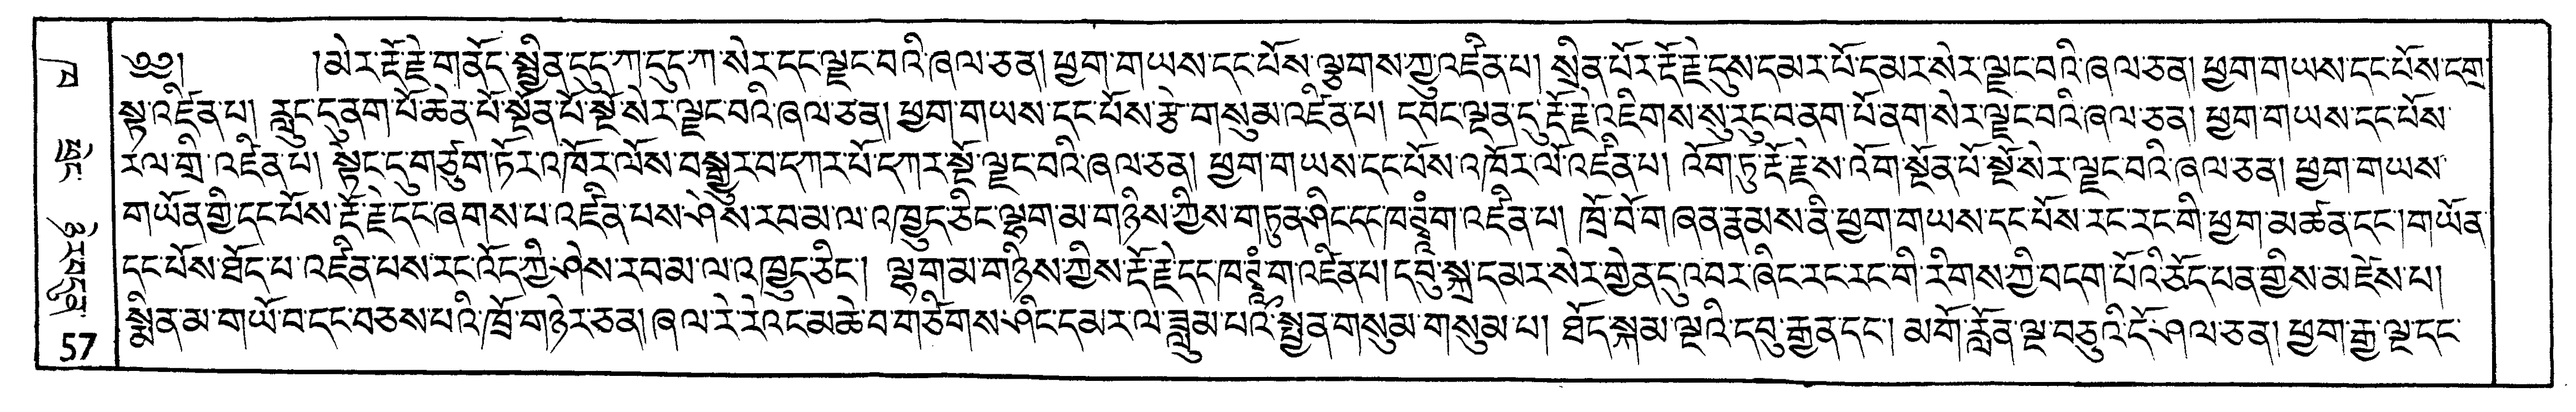༄༅། །མེར་རྡོ་རྗེ་གནོད་སྦྱིན་དུད་ཀ་དུད་ཀ་སེར་དང་ལྗང་བའི་ཞལ་ཅན། ཕྱག་གཡས་དང་པོས་ལྕགས་ཀྱུ་འཛིན་པ། སྲིན་པོར་རྡོ་རྗེ་དུས་དམར་པོ་དམར་སེར་ལྗང་བའི་ཞལ་ཅན། ཕྱག་གཡས་དང་པོས་དགྲ་
སྟ་འཛིན་པ། རླུང་དུ་ནག་པོ་ཆེན་པོ་སྔོན་པོ་སྔོ་སེར་ལྗང་བའི་ཞལ་ཅན། ཕྱག་གཡས་དང་པོས་རྩེ་གསུམ་འཛིན་པ། དབང་ལྡན་དུ་རྡོ་རྗེ་འཇིགས་སུ་རུང་བ་ནག་པོ་ནག་སེར་ལྗང་བའི་ཞལ་ཅན། ཕྱག་གཡས་དང་པོས་
རལ་གྲི་འཛིན་པ། སྟེང་དུ་གཙུག་ཏོར་འཁོར་ལོས་བསྒྱུར་བ་དཀར་པོ་དཀར་སྔོ་ལྗང་བའི་ཞལ་ཅན། ཕྱག་གཡས་དང་པོས་འཁོར་ལོ་འཛིན་པ། འོག་ཏུ་རྡོ་རྗེ་ས་འོག་སྔོན་པོ་སྔོ་སེར་ལྗང་བའི་ཞལ་ཅན། ཕྱག་གཡས་
གཡོན་གྱི་དང་པོས་རྡོ་རྗེ་དང་ཞགས་པ་འཛིན་པས་ཤེས་རབ་མ་ལ་འཁྱུད་ཅིང་ལྷག་མ་གཉིས་ཀྱིས་གཏུན་ཤིང་དང་ཁ་ཊྭཱཾ་ག་འཛིན་པ། ཁྲོ་བོ་གཞན་རྣམས་ནི་ཕྱག་གཡས་དང་པོས་རང་རང་གི་ཕྱག་མཚན་དང་། གཡོན་
དང་པོས་ཐོད་པ་འཛིན་པས་རང་འོད་ཀྱི་ཤེས་རབ་མ་ལ་འཁྱུད་ཅིང་། ལྷག་མ་གཉིས་ཀྱིས་རྡོ་རྗེ་དང་ཁ་ཊྭཱཾ་ག་འཛིན་པ། དབུ་སྐྲ་དམར་སེར་གྱེན་དུ་འབར་ཞིང་རང་རང་གི་རིགས་ཀྱི་བདག་པོའི་ཅོད་པན་གྱིས་མཛེས་པ།
སྨིན་མ་གཡོ་བ་དང་བཅས་པའི་ཁྲོ་གཉེར་ཅན། ཞལ་རེ་རེའང་མཆེ་བ་གཙིགས་ཤིང་དམར་ལ་ཟླུམ་པའི་སྤྱན་གསུམ་གསུམ་པ། ཐོད་སྐམ་ལྔའི་དབུ་རྒྱན་དང་། མགོ་རློན་ལྔ་བཅུའི་དོ་ཤལ་ཅན། ཕྱག་རྒྱ་ལྔ་དང་